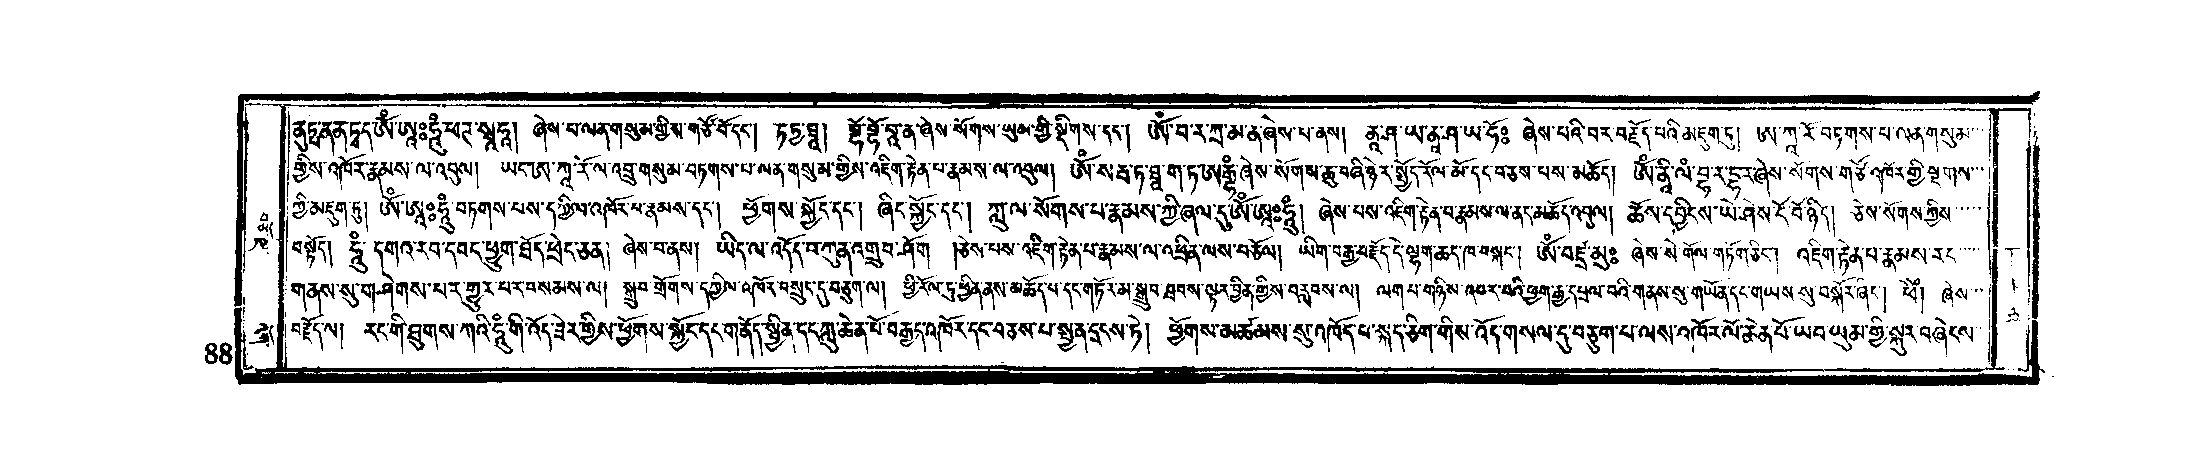ནུཏྤ་ནན་ཏྭད་ཨོཾ་ཨཱཿ ཧཱུཾ་ཕཊ་སྭཱཧཱ། ཞེས་པ་ལན་གསུམ་གྱིས་གཙོ་བོ་དང་། ཏདྱཐཱ། བྷོ་བྷོ་བཱ་ན་ཞེས་སོགས་ཡུམ་གྱི་སྡིགས་དང་། ཨོཾ་བ་ར་ཀྲ་མ་ན་ཞེས་པ་ནས། ནཱ་ཤ་ཡ་ནཱ་ཤ་ཡ་ཧོཿ ཞེས་པའི་བར་བརྗོད་པའི་མཇུག་ཏུ། ཨ་ཀཱ་རོ་བཏགས་པ་ལན་གསུམ་
གྱིས་འཁོར་རྣམས་ལ་འབུལ། ཡང་ཨ་ཀཱ་རོ་ལ་འབྲུ་གསུམ་བཏགས་པ་ལན་གསུམ་གྱིས་འཇིག་རྟེན་པ་རྣམས་ལ་འབུལ། ཨོཾ་སརྦ་ཏ་ཐཱ་ག་ཏ་ཨརྒྷཾ་ཞེས་སོགས་ཆུ་བཞི་ཉེར་སྤྱོད་རོལ་མོ་དང་བཅས་པས་མཆོད། ཨོཾ་ནཱི་ལཾ་བྷ་ར་དྷ་ར་ཞེས་སོགས་གཙོ་འཁོར་གྱི་སྔགས་
ཀྱི་མཇུག་ཏུ། ཨོཾ་ཨཱཿ ཧཱུཾ་བཏགས་པས་དཀྱིལ་འཁོར་པ་རྣམས་དང་། ཕྱོགས་སྐྱོང་དང་། ཞིང་སྐྱོང་དང་། ཀླུ་ལ་སོགས་པ་རྣམས་ཀྱི་ཞལ་དུ་ཨོཾ་ཨཱཿ ཧཱུཾ། ཞེས་པས་འཇིག་རྟེན་པ་རྣམས་ལ་ནང་མཆོད་འབུལ། ཆོས་དབྱིངས་ཡེ་ཤེས་ངོ་བོ་ཉིད། ཅེས་སོགས་ཀྱིས་
བསྟོད། ཧཱུཾ་དགའ་རབ་དབང་ཕྱུག་ཐོད་ཕྲེང་ཅན། ཞེས་པ་ནས། ཡིད་ལ་འདོད་བ་ཀུན་འགྲུབ་ཤོག །ཅེས་པས་འཇིག་རྟེན་པ་རྣམས་ལ་འཕྲིན་ལས་བཅོལ། ཡིག་བརྒྱ་བརྗོད་དེ་ལྷག་ཆད་ཁ་བསྐང་། ཨོཾ་བཛྲ་མུཿ ཞེས་སེ་གོལ་གཏོག་ཅིང་། འཇིག་རྟེན་པ་རྣམས་རང་
གནས་སུ་གཤེགས་པར་གྱུར་པར་བསམས་ལ། སྒྲུབ་གྲོགས་དཀྱིལ་འཁོར་བསྲུང་དུ་བཅུག་ལ། ཕྱི་རོལ་ཏུ་ཕྱིན་ནས་མཆོད་པ་དང་གཏོར་མ་སྒྲུབ་ཐབས་ལྟར་བྱིན་གྱིས་བརླབས་ལ། ལག་པ་གཉིས་འབར་བའི་ཕྱག་རྒྱ་དཔྲལ་བའི་གནས་སུ་གཡོན་དང་གཡས་སུ་བསྐོར་ཞིང་། ཕཻཾ། ཞེས་
བརྗོད་ལ། རང་གི་ཐུགས་ཀའི་ཧཱུཾ་གི་འོད་ཟེར་གྱིས་ཕྱོགས་སྐྱོང་དང་གནོད་སྦྱིན་དང་ཀླུ་ཆེན་པོ་བརྒྱད་འཁོར་དང་བཅས་པ་སྤྱན་དྲངས་ཏེ། ཕྱོགས་མཚམས་སུ་འཁོད་པ་སྐད་ཅིག་གིས་འོད་གསལ་དུ་བཅུག་པ་ལས་འཁོར་ལོ་ཆེན་པོ་ཡབ་ཡུམ་གྱི་སྐུར་བཞེངས་